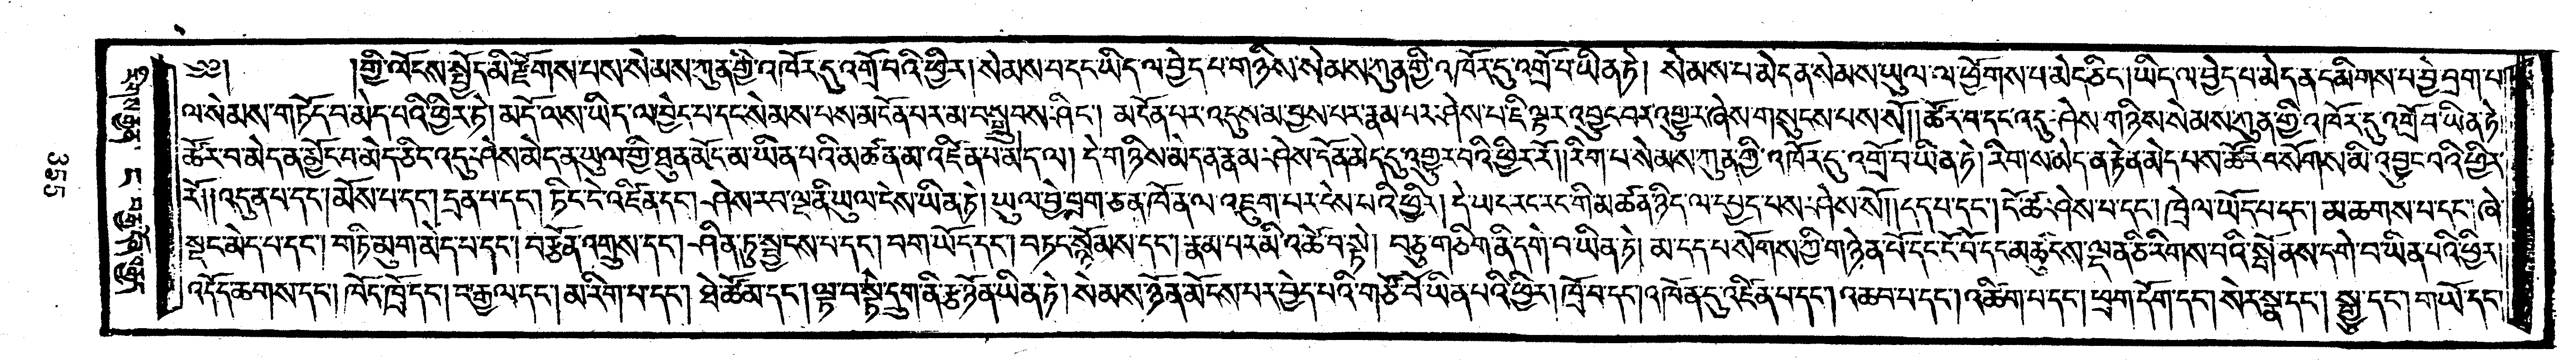༄༅། །གྱི་ལོངས་སྤྱོད་མི་རྫོགས་པས་སེམས་ཀུན་གྱི་འཁོར་དུ་འགྲོ་བའི་ཕྱིར། སེམས་པ་དང་ཡིད་ལ་བྱེད་པ་གཉིས་སེམས་ཀུན་གྱི་འཁོར་དུ་འགྲོ་བ་ཡིན་ཏེ། སེམས་པ་མེད་ན་སེམས་ཡུལ་ལ་ཕྱོགས་པ་མེད་ཅིང་། ཡིད་ལ་བྱེད་པ་མེད་ན་དམིགས་པ་བྱེ་བྲག་པ་
ལ་སེམས་གཏོད་པ་མེད་པའི་ཕྱིར་ཏེ། མདོ་ལས་ཡིད་ལ་བྱེད་པ་དང་སེམས་པས་མངོན་པར་མ་བསྒྲུབས་ཤིང་། མངོན་པར་འདུས་མ་བྱས་པར་རྣམ་པར་ཤེས་པ་ཇི་ལྟར་འབྱུང་བར་འགྱུར་ཞེས་གསུངས་པས་སོ། །ཚོར་བ་དང་འདུ་ཤེས་གཉིས་སེམས་ཀུན་གྱི་འཁོར་དུ་འགྲོ་བ་ཡིན་ཏེ།
ཚོར་བ་མེད་ན་མྱོང་བ་མེད་ཅིང་འདུ་ཤེས་མེད་ན་ཡུལ་གྱི་ཐུན་མོང་མ་ཡིན་པའི་མཚན་མ་འཛིན་པ་མེད་ལ། དེ་གཉིས་མེད་ན་རྣམ་ཤེས་དོན་མེད་དུ་འགྱུར་བའི་ཕྱིར་རོ། །རེག་པ་སེམས་ཀུན་གྱི་འཁོར་དུ་འགྲོ་བ་ཡིན་ཏེ། རེག་པ་མེད་ན་རྟེན་མེད་པས་ཚོར་བ་སོགས་མི་འབྱུང་བའི་ཕྱིར་
རོ། །འདུན་པ་དང་། མོས་པ་དང་། དྲན་པ་དང་། ཏིང་ངེ་འཛིན་དང་། ཤེས་རབ་ལྔ་ནི་ཡུལ་ངེས་ཡིན་ཏེ། ཡུལ་བྱེ་བྲག་ཅན་ཁོ་ན་ལ་འཇུག་པར་ངེས་པའི་ཕྱིར། དེ་ཡང་རང་རང་གི་མཚན་ཉིད་ལ་དཔྱད་པས་ཤེས་སོ། །དད་པ་དང་། ངོ་ཚ་ཤེས་པ་དང་། ཁྲེལ་ཡོད་པ་དང་། མ་ཆགས་པ་དང་། ཞེ་
སྡང་མེད་པ་དང་། གཏི་མུག་མེད་པ་དང་། བརྩོན་འགྲུས་དང་། ཤིན་ཏུ་སྦྱངས་པ་དང་། བག་ཡོད་དང་། བཏང་སྙོམས་དང་། རྣམ་པར་མི་འཆ་བ་སྟེ། བཅུ་གཅིག་ནི་དགེ་བ་ཡིན་ཏེ། མ་དད་པ་སོགས་ཀྱི་གཉེན་པོ་དང་ངོ་བོ་དང་མཚུངས་ལྡན་ཅི་རིགས་པའི་སྒོ་ནས་དགེ་བ་ཡིན་པའི་ཕྱིར།
འདོད་ཆགས་དང་། ཁོང་ཁྲོ་དང་། ང་རྒྱལ་དང་། མ་རིག་པ་དང་། ཐེ་ཚོམ་དང་། ལྟ་བ་སྟེ་དྲུག་ནི་རྩ་ཉོན་ཡིན་ཏེ། སེམས་ཉོན་མོངས་པར་བྱེད་པའི་གཙོ་བོ་ཡིན་པའི་ཕྱིར། ཁྲོ་བ་དང་། འཁོན་དུ་འཛིན་པ་དང་། འཆབ་པ་དང་། འཚིག་པ་དང་། ཕྲག་དོག་དང་། སེར་སྣ་དང་། སྒྱུ་དང་། གཡོ་དང་།